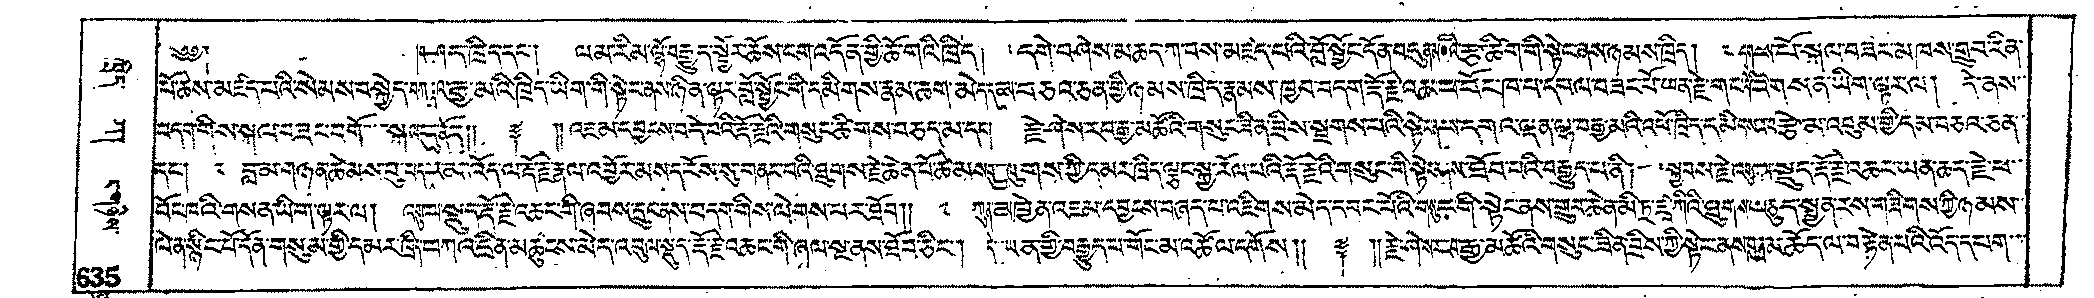༄༅། །བཤད་ཁྲིད་དང་། ལམ་རིམ་ལྷོར་བརྒྱུད་སྦྱོར་ཆོས་ངག་འདོན་གྱི་ཆོ་གའི་ཁྲིད། ༧་དགེ་བཤེས་མཆད་ཀ་བས་མཛད་པའི་བློ་སྦྱོང་དོན་བདུན་མའི་རྩ་ཚིག་གི་སྟེང་ནས་ཉམས་ཁྲིད། ༧་དྭགས་པོ་སྐལ་བཟང་མཁས་གྲུབ་རིན་
པོ་ཆེས་མཛད་པའི་སེམས་བསྐྱེད་བཀའ་རྒྱ་མའི་ཁྲིད་ཡིག་གི་སྟེང་ནས་ཉིན་ལྟར་བློ་སྦྱོང་གི་དམིགས་རྣམ་ཆག་མེད་དམ་བཅའ་ཅན་གྱི་ཉམས་ཁྲིད་རྣམས་ཁྱབ་བདག་རྡོ་རྗེ་འཆང་ཕ་བོང་ཁ་པ་དཔལ་བཟང་པོ་ཡན་རྗེ་གང་དེའི་གསན་ཡིག་ལྟར་ལ། དེ་ནས་
བདག་གིས་སྐལ་བཟང་བགོསྐལ་དུ་ནོད།། འ་།།འཇམ་དབྱངས་བདེ་བའི་རྡོ་རྗེ་གསུང་ཚིགས་བཅད་མ་དང་། རྗེ་ཤེས་རབ་རྒྱ་མཚོའི་གསུང་ཟིན་བྲིས་སྦྲགས་པའི་སྟེང་ནས་དགའ་ལྡན་ལྷ་བརྒྱ་མའི་འཕོ་ཁྲིད་དམིགས་བརྩེ་མ་འབུམ་གྱི་དམ་བཅའ་ཅན་
དང་། ༧་བླ་མ་གཉན་ཚེམས་བུ་པ་དར་མ་འོད་ལ་རྡོ་རྗེ་རྣལ་འབྱོར་མས་དངོས་སུ་གནང་བའི་ཐུགས་རྗེ་ཆེན་པོ་ཚེམས་བུ་ལུགས་ཀྱི་དམར་ཁྲིད་ལྕངས་སྐྱ་རོལ་པའི་རྡོ་རྗེའི་གསུང་གི་སྟེང་ནས་ཐོབ་པའི་བརྒྱུད་པ་ནི། ༧་སྐྱབས་རྗེ་འབུལ་སྡུས་རྡོ་རྗེ་འཆང་ཡན་ཆད་རྗེ་ཕ་
བོང་ཁའི་གསན་ཡིག་ལྟར་ལ། འབུལ་སྡུད་རྡོ་རྗེ་འཆང་གི་ཞབས་དྲུང་ནས་བདག་གིས་ལེགས་པར་ཐོབ།། ༧་ཀུན་མཁྱེན་འཇམ་དབྱངས་བཞད་པ་འཇིགས་མེད་དབང་པོའི་གསུང་གི་སྟེང་ནས་གྲུབ་ཆེན་མི་ཏྲ་ཛྭ་ཀིའི་ཐུགས་བཅུད་སྤྱན་རས་གཟིགས་ཀྱི་ཉམས་
ལེན་སྙིང་པོ་དོན་གསུམ་གྱི་དམར་ཁྲིད་བཀའ་དྲིན་མཚུངས་མེད་འབུལ་སྡུད་རྡོ་རྗེ་འཆང་གི་ཞལ་སྔ་ནས་ཐོབ་ཅིང་། དེ་ཡན་གྱི་བརྒྱུད་པ་གོང་མ་འཚོལ་དགོས།། འ་།།རྗེ་ཤེས་རབ་རྒྱ་མཚོའི་གསུང་ཟིན་བྲིས་ཀྱི་སྟྣེག་ནས་བླ་མཆོད་ལ་བརྟེན་པའི་འོད་དཔག་